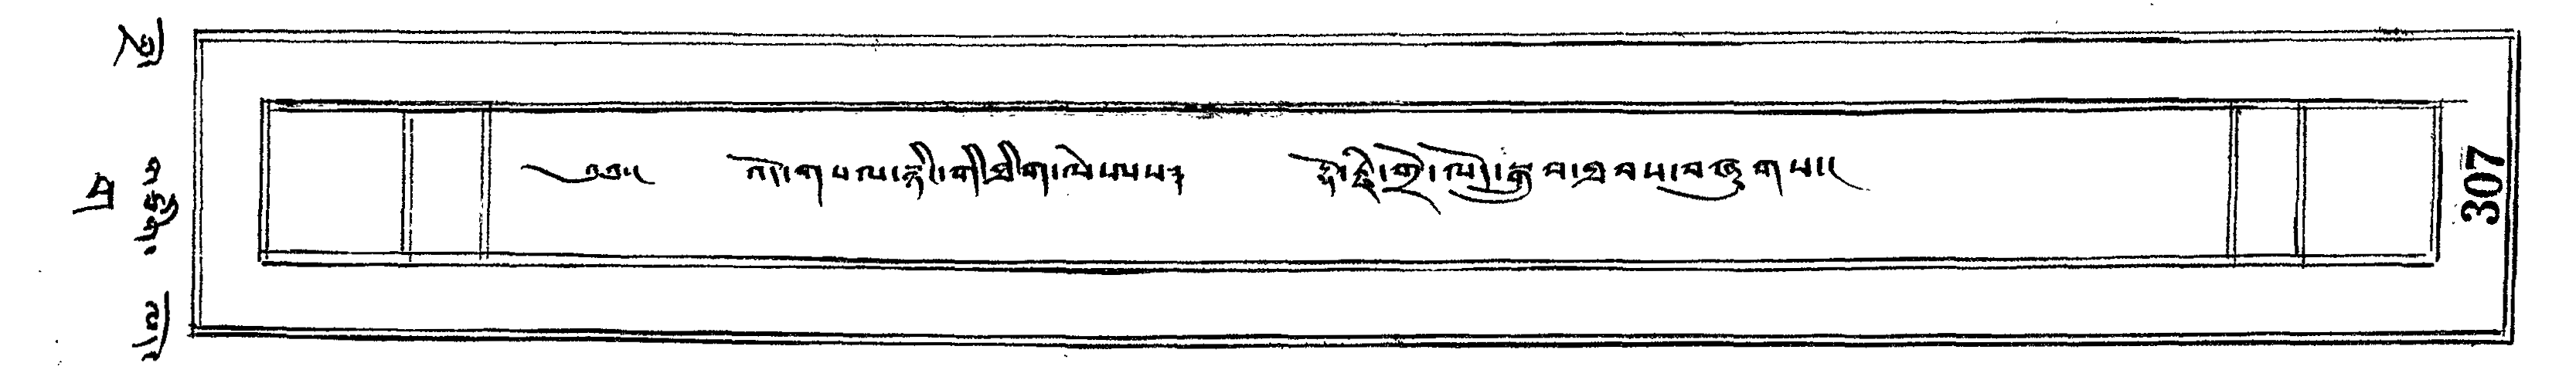འོད་གསལ་སྙིང་གི་ཐིག་ལེ་ལས། རྡོ་རྗེ་གྲོ་ལོད་སྒྲུབ་ཐབས་བཞུགས།།